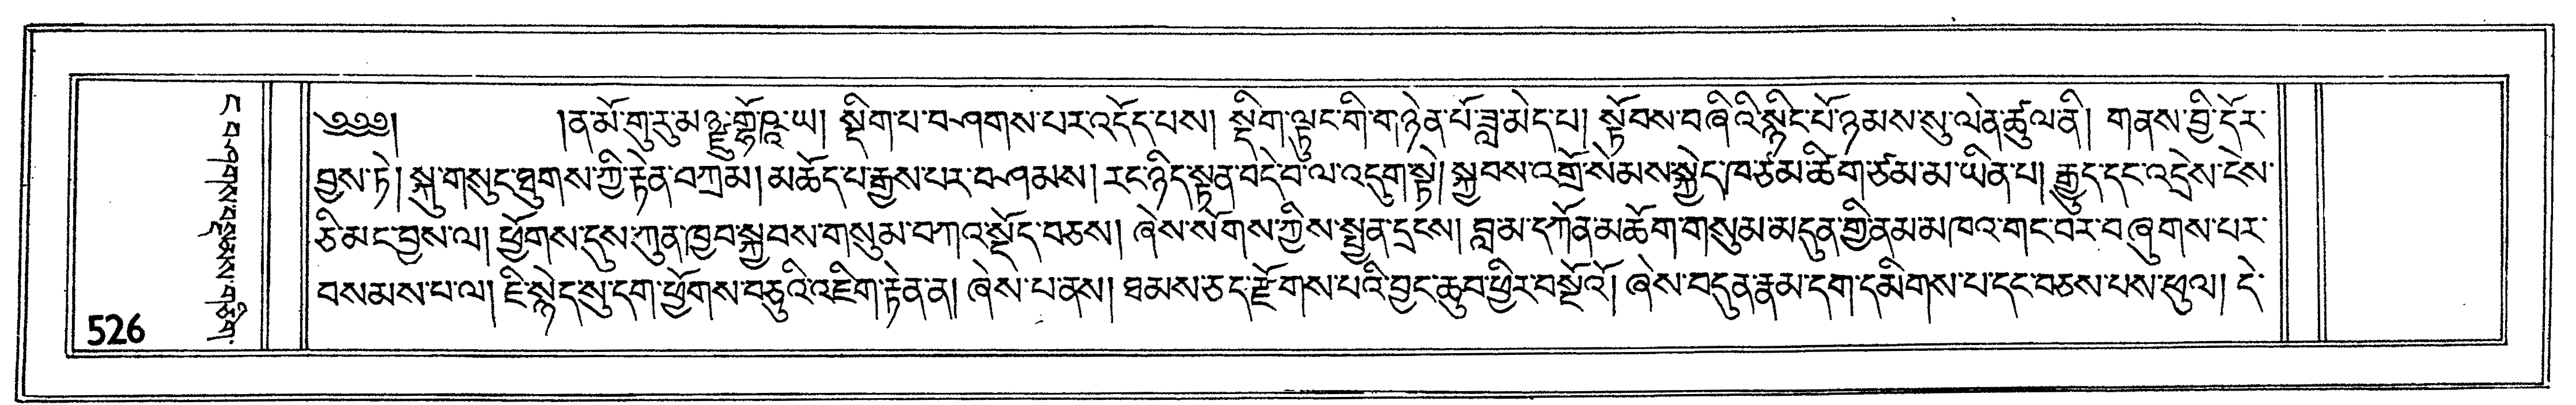༄༅༅། །ན་མོ་གུ་རུ་མཉྫུ་གྷོ་ཥཱ་ཡ། སྡིག་པ་བཤགས་པར་འདོད་པས། སྡིག་ལྟུང་གི་གཉེན་པོ་ཟླ་མེད་པ། སྟོབས་བཞིའི་སྙིང་པོ་ཉམས་སུ་ལེན་ཚུལ་ནི། གནས་བྱི་དོར་
བྱས་ཏེ། སྐུ་གསུང་ཐུགས་ཀྱི་རྟེན་བཀྲམ། མཆོད་པ་རྒྱས་པར་བཤམས། རང་ཉིད་སྟན་བདེ་བ་ལ་འདུག་སྟེ། སྐྱབས་འགྲོ་སེམས་སྐྱེད་ཁ་ཙམ་ཚིག་ཙམ་མ་ཡིན་པ། རྒྱུད་དང་འདྲེས་ངེས་
ཅི་མང་བྱས་ལ། ཕྱོགས་དུས་ཀུན་ཁྱབ་སྐྱབས་གསུམ་བཀའ་སྡོད་བཅས། ཞེས་སོགས་ཀྱིས་སྤྱན་དྲངས། བླ་མ་དཀོན་མཆོག་གསུམ་མདུན་གྱི་ནམ་མཁའ་གང་བར་བཞུགས་པར་
བསམས་པ་ལ། ཇི་སྙེད་སུ་དག་ཕྱོགས་བཅུའི་འཇིག་རྟེན་ན། ཞེས་པ་ནས། ཐམས་ཅད་རྫོགས་པའི་བྱང་ཆུབ་ཕྱིར་བསྔོའོ། ཞེས་བདུན་རྣམ་དག་དམིགས་པ་དང་བཅས་པས་ཕུལ། དེ་